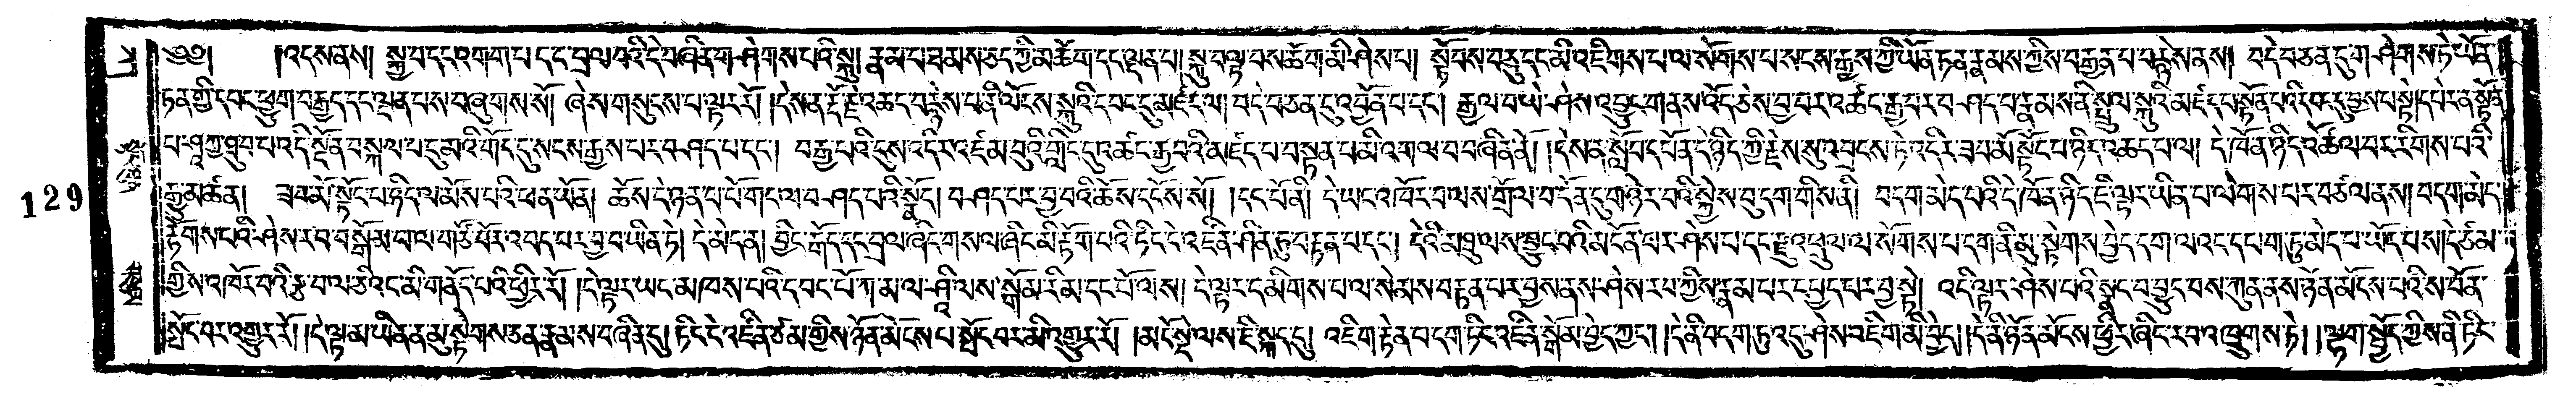༄༅། །འདས་ནས། སྐྱེ་བ་དང་འགག་པ་དང་བྲལ་བའི་དེ་བཞིན་གཤེགས་པའི་སྐུ། རྣམ་པ་ཐམས་ཅད་ཀྱི་མཆོག་དང་ལྡན་པ། སྐུ་བལྟ་བས་ཆོག་མི་ཤེས་པ། སྟབས་བཅུ་དང་མ་འཇིགས་པ་ལ་སོགས་པ་སངས་རྒྱས་ཀྱི་ཡོན་ཏན་རྣམས་ཀྱིས་བརྒྱན་པ་བརྙེས་ནས། བདེ་བ་ཅན་དུ་གཤེགས་ཏེ་ཡོན་
ཏན་གྱི་དབང་ཕྱུག་བརྒྱད་དང་ལྡན་པས་བཞུགས་སོ། ཞེས་གསུངས་པ་ལྟར་རོ། །དེས་ན་རྡོ་རྗེ་འཆད་བརྙེས་པ་ནི་ལོངས་སྐུའི་དབང་དུ་མཛད་ལ། བདེ་བ་ཅན་དུ་འབྱོན་པ་དང་། རྒྱལ་བ་ཡེ་ཤེས་འབྱུང་གནས་འོད་ཅེས་བྱ་བར་འཚང་རྒྱ་བར་བཤད་པ་རྣམས་ནི་སྤྲུལ་སྐུའི་མཛད་པ་སྟོན་པའི་དབང་དུ་བྱས་པ་སྟེ། དཔེར་ན་སྟོན་
པ་ཤཱཀྱ་ཐུབ་པ་འདི་སྔོན་བསྐལ་པ་དུ་མའི་གོང་དུ་སངས་རྒྱས་པར་བཤད་པ་དང་། བརྒྱ་པའི་དུས་འདིར་འཛམ་བུའི་གླིང་དུ་འཚང་རྒྱ་པའི་མཛད་པ་བསྟན་པ་མི་འགལ་བ་བཞིན་ནོ། །དེས་ན་སློབ་དཔོན་དེ་ཉིད་ཀྱི་རྗེས་སུ་འབྲངས་ཏེ་འདིར་ཟབ་མོ་སྟོང་པ་ཉིད་འཆད་པ་ལ། དེ་ཁོ་ན་ཉིད་འཚོལ་བར་རིགས་པའི་
རྒྱུ་མཚན། ཟབ་མོ་སྟོང་པ་ཉིད་ལ་མོས་པའི་ཕན་ཡོན། ཆོས་དེ་ཉན་པ་པོ་གང་ལ་བཤད་པའི་སྣོད། བཤད་པར་བྱ་བའི་ཆོས་དངོས་སོ། །དང་པོ་ནི། དེ་ཡང་འཁོར་བ་ལས་གྲོལ་བ་དོན་དུ་གཉེར་པའི་སྐྱེས་བུ་དག་གིས་ནི། བདག་མེད་པའི་དེ་ཁོ་ན་ཉིད་ཇི་ལྟར་ཡིན་པ་ལེགས་པར་བཙལ་ནས། བདག་མེད་
རྟོགས་པའི་ཤེས་རབ་བསྒོམ་པ་ལ་གཙོ་བོར་འབད་པར་བྱ་བ་ཡིན་ཏེ། དེ་མེད་ན། བྱིང་རྒོད་དང་བྲལ་ཞིང་གསལ་ཞིང་མི་རྟོག་པའི་ཏིང་ངེ་འཛིན་ཤིན་ཏུ་བརྟན་པ་དང་། དེའི་མཐུ་ལས་བྱུང་བའི་མངོན་པར་ཤེས་པ་དང་རྫུ་འཕྲུལ་ལ་སོགས་པ་དག་ནི་མུ་སྟེགས་བྱེད་དག་ལའང་དཔག་ཏུ་མེད་པ་ཡོད་པས། དེ་ཙམ་
གྱིས་འཁོར་བའི་རྩ་བ་ལ་ཅིའང་མི་གནོད་པའི་ཕྱིར་རོ། །དེ་ལྟར་ཡང་མཁས་པའི་དབང་པོ་ཀ་མ་ལ་ཤཱི་ལས་སྒོམ་རིམ་དང་པོ་ལས། དེ་ལྟར་དམིགས་པ་ལ་སམས་བརྟན་པར་བྱས་ནས་ཤེས་རབ་ཀྱིས་རྣམ་པར་དཔྱད་པར་བྱ་སྟེ། འདི་ལྟར་ཤེས་པའི་སྣང་བ་བྱུང་བས་ཀུན་ནས་ཉོན་མོངས་པའི་ས་བོན་
སྤོང་བར་འགྱུར་རོ། །དེ་ལྟ་མ་ཡིན་ན་མུ་སྟེགས་ཅན་རྣམས་བཞིན་དུ། ཏིང་ངེ་འཛིན་ཙམ་གྱིས་ཉོན་མོངས་པ་སྤོང་བར་མི་འགྱུར་རོ། །མདོ་སྡེ་ལས་ཇི་སྐད་དུ། འཇིག་རྟེན་པ་དག་ཏིང་འཛིན་སྒོམ་བྱེད་ཀྱང་། །དེ་ནི་བདག་ཏུ་འདུ་ཤེས་འཇིག་མི་བྱེད། །དེ་ནི་ཉོན་མོངས་ཕྱིར་ཞིང་རབ་འཁྲུགས་ཏེ། །ལྷག་སྤྱོད་ཀྱིས་ནི་ཏིང་